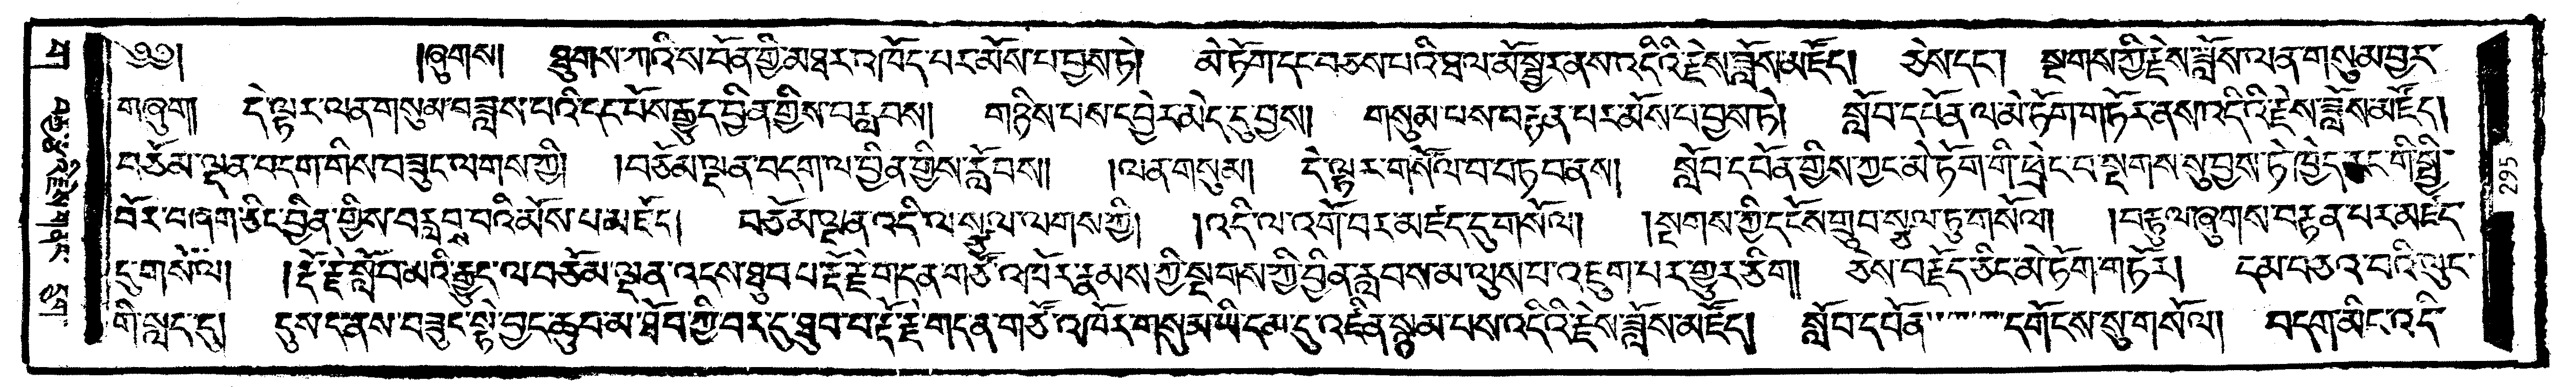༄༅། །ཞུགས། ཐུགས་ཀའི་ས་བོན་གྱི་མཐར་འཁོད་པར་མོས་པ་བྱས་ཏེ། མེ་ཏོག་དང་བཅས་པའི་ཐལ་མོ་སྦྱར་ནས་འདིའི་རྗེས་ཟློས་མཛོད། ཅེས་དང་། སྔགས་ཀྱི་རྗེས་ཟློས་ལན་གསུམ་བྱར་
གཞུག། དེ་ལྟར་ལན་གསུམ་བཟླས་པའི་དང་པོས་རྒྱུད་བྱིན་གྱིས་བརླབས། གཉིས་པས་དབྱེར་མེད་དུ་བྱས། གསུམ་པས་བརྟན་པར་མོས་པ་བྱས་ཏེ། སློབ་དཔོན་ལ་མེ་ཏོག་གཏོར་ནས་འདིའི་རྗེས་ཟློས་མཛོད།
བཅོམ་ལྡན་བདག་གིས་བཟུང་ལགས་ཀྱི། །བཅོམ་ལྡན་བདག་ལ་བྱིན་གྱིས་རློབས། །ལན་གསུམ། དེ་ལྟར་གསོལ་བ་བཏབ་ནས། སློབ་དཔོན་གྱིས་ཀྱང་མེ་ཏོག་གི་ཕྲེང་བ་སྔགས་སུ་བྱས་ཏེ་ཁྱེད་རང་གི་སྤྱི་
བོར་བཞག་ཅིང་བྱིན་གྱིས་བརླབས་པའི་མོས་པ་མཛོད། བཅོམ་ལྡན་འདི་ལ་སྩལ་ལགས་ཀྱི། །འདི་ལ་འགོ་བར་མཛད་དུ་གསོལ། །སྔགས་ཀྱི་དངོས་གྲུབ་སྩལ་ཏུ་གསོལ། །བརྟུལ་ཞུགས་བརྟན་པར་མཛད་
དུ་གསོལ། །རྡོ་རྗེ་སློབ་མའི་རྒྱུད་ལ་བཅོམ་ལྡན་འདས་ཐུབ་པ་རྡོ་རྗེ་གདན་གཙོ་འཁོར་རྣམས་ཀྱི་སྔགས་ཀྱི་བྱིན་རླབས་མ་ལུས་པ་འཇུག་པར་གྱུར་ཅིག། ཅེས་བརྗོད་ཅིང་མེ་ཏོག་གཏོར། དམ་བཅའ་བའི་ལུང་
གི་སླད་དུ། དུས་ད་ནས་བཟུང་སྟེ་བྱང་ཆུབ་མ་ཐོབ་ཀྱི་བར་དུ་ཐུབ་པ་རྡོ་རྗེ་གདན་གཙོ་འཁོར་གསུམ་ཡི་དམ་དུ་འཛིན་སྙམ་པས་འདིའི་རྗེས་ཟློས་མཛོད། སློབ་དཔོན་དགོངས་སུ་གསོལ། བདག་མིང་འདི་